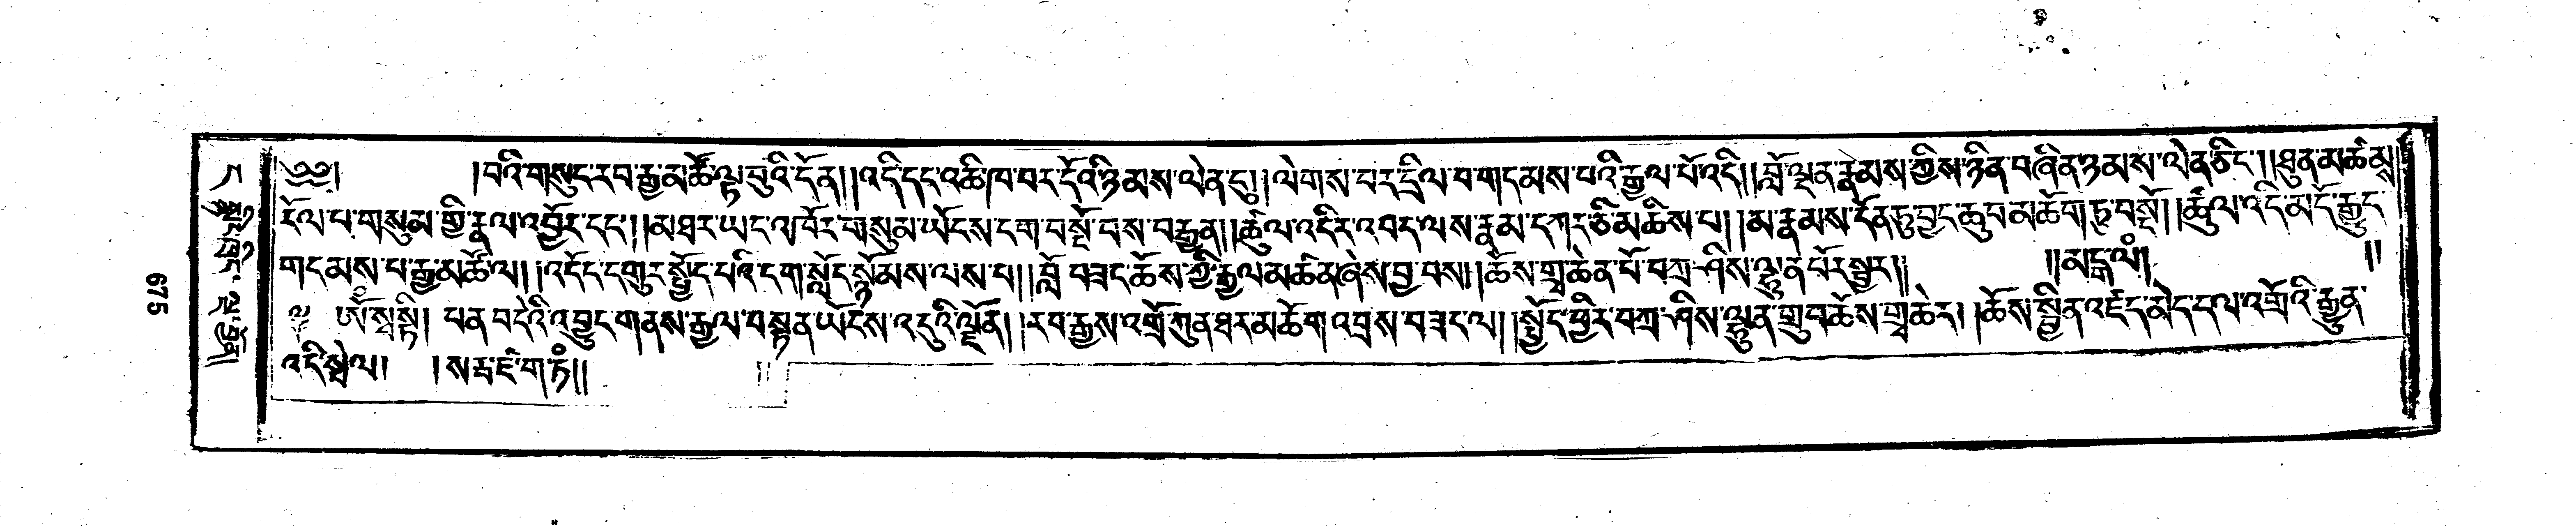༄༅། །བའི་གསུང་རབ་རྒྱ་མཚོ་ལྟ་བུའི་དོན། །འདི་དང་འཆི་ཁ་བར་དོའི་ཉམས་ལེན་དུ། །ལེགས་པར་དྲིལ་བ་གདམས་པའི་རྒྱལ་པོ་འདི། །བློ་ལྡན་རྣམས་ཀྱིས་ཉིན་བཞིན་ཉམས་ལེན་ཅིང་། །ཐུན་མཚམས་
རོལ་པ་གསུམ་གྱི་རྣལ་འབྱོར་དང་། །མཐར་ཡང་འཁོར་གསུམ་ཡོངས་དག་བསྔོ་བས་བརྒྱན། །ཚུལ་འདིར་འབད་ལས་རྣམ་དཀར་ཅི་མཆིས་པ། །མ་རྣམས་དོན་ཏུ་བྱང་ཆུབ་མཆོག་ཏུ་བསྔོ། །ཚུལ་འདི་མདོ་རྒྱུད་
གདམས་པ་རྒྱ་མཚོ་ལ། །འདོད་དགུར་སྤྱོད་པའི་དགེ་སློང་སྙོམས་ལས་པ། །བློ་བཟང་ཆོས་ཀྱི་རྒྱལ་མཚན་ཞེས་བྱ་བས། །ཆོས་གྲྭ་ཆེན་པོ་བཀྲ་ཤིས་ལྷུན་པོར་སྦྱར།། །།མངྒ་ལཾ།། །།
༈ ཨོཾ་སྭ་སྟི། ཕན་བདེའི་འབྱུང་གནས་རྒྱལ་བསྟན་ཡོངས་འདུའི་ལྗོན། །རབ་རྒྱས་འགྲོ་ཀུན་ཐར་མཆོག་འབྲས་བཟང་ལ། །སྤྱོད་ཕྱིར་བཀྲ་ཤིས་ལྷུན་གྲུབ་ཆོས་གྲྭ་ཆེར། །ཆོས་སྦྱིན་འཛད་མེད་དལ་འགྲོའི་རྒྱུན་
འདི་སྤེལ། །སརྦ་ཛ་ག་ཙཾ།། །།